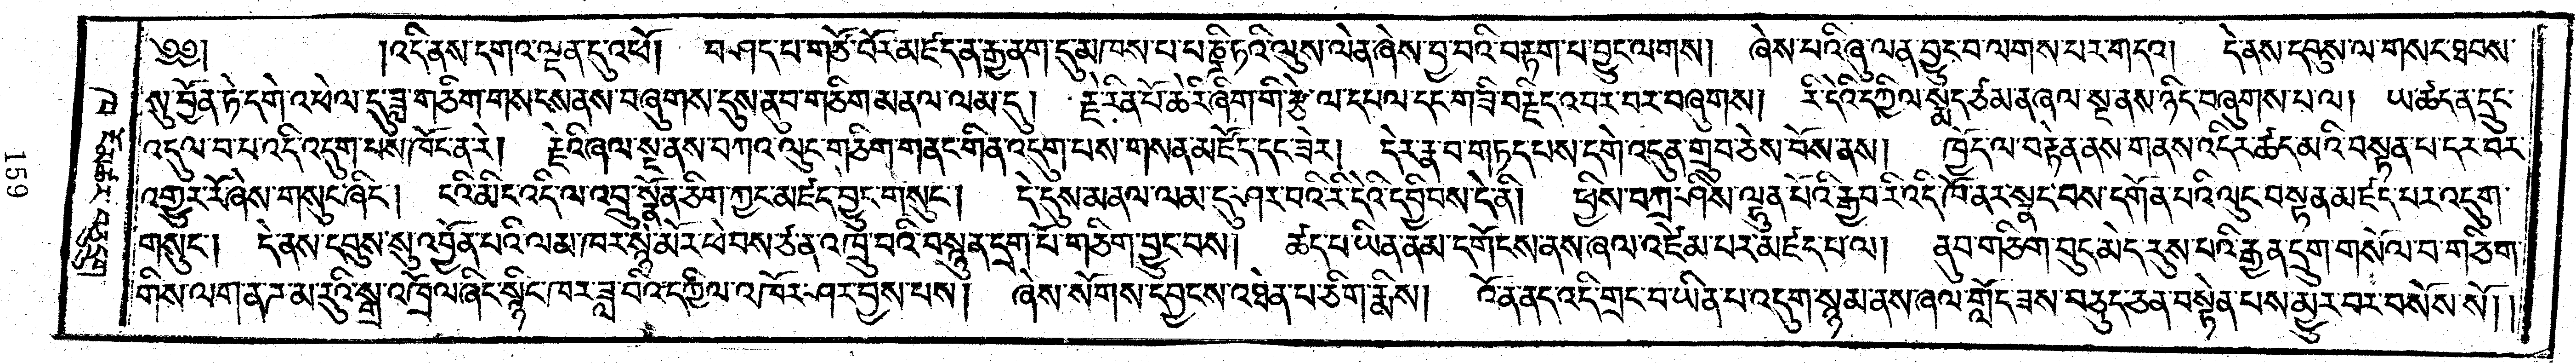༄༅། །འདི་ནས་དགའ་ལྡན་དུ་འཕོ། བཤད་པ་གཙོ་བོར་མཛད་ན་རྒྱ་ནག་དུ་མཁས་པ་པཎྜི་ཏའི་ལུས་ལེན་ཞེས་བྱ་བའི་བརྟག་པ་བྱུང་ལགས། ཞེས་པའི་ཞུ་ལན་བྱུང་བ་ལགས་པར་གདའ། དེ་ནས་དབུས་ལ་གསང་ཐབས་
སུ་བྱོན་ཏེ་དགེ་འཕེལ་དུ་ཟླ་གཅིག་གསངས་ནས་བཞུགས་དུས་ནུབ་གཅིག་མནལ་ལམ་དུ། རྗེ་རིན་པོ་ཆེ་རི་ཞིག་གི་རྩེ་ལ་དཔལ་དང་གཟི་བརྗིད་འབར་བར་བཞུགས། རི་དེའི་དཀྱིལ་སྨད་ཙམ་ན་ཞལ་སྔ་ནས་ཉིད་བཞུགས་པ་ལ། ཡ་ཚད་ན་དྲུང་
འདུལ་བ་པ་འདི་འདུག་པས་ཁོང་ན་རེ། རྗེའི་ཞལ་སྔ་ནས་བཀའ་ལུང་གཅིག་གནང་གིན་འདུག་པས་གསན་མཛོད་དང་ཟེར། དེར་རྣ་བ་གཏད་པས་དགེ་འདུན་གྲུབ་ཅེས་བོས་ནས། ཁྱོད་ལ་བརྟེན་ནས་འདིར་ཚད་མའི་བསྟན་པ་དར་བར་
འགྱུར་རོ་ཞེས་གསུང་ཞིང་། ངའི་མིང་འདི་ལ་འབྲུ་སྣོན་ཅིག་ཀྱང་མཛད་བྱུང་གསུང་། དེ་དུས་མནལ་ལམ་དུ་ཤར་བའི་རི་དེའི་དབྱིབས་དེ་ནི། ཕྱིས་བཀྲ་ཤིས་ལྷུན་པོའི་རྒྱབ་རི་འདི་ཁོ་ནར་སྣང་བས་དགོན་པའི་ལུང་བསྟན་མཛད་པར་འདུག་
གསུང་། དེ་ནས་དབུས་སུ་འབྱོན་པའི་ལམ་ཁར་སྙེ་མོར་ཕེབས་ཙ་ན་འཁྲུ་བའི་བསྙུན་དྲག་པོ་གཅིག་བྱུང་བས། ཚད་པ་ཡིན་ནམ་དགོངས་ནས་ཞལ་འཛེམ་པར་མཛད་པ་ལ། ནུབ་གཅིག་བུད་མེད་རུས་པའི་རྒྱན་དྲུག་གསོལ་བ་གཅིག་
གིས་ལག་ན་ཌ་མ་རུའི་སྒྲ་འཁྲོལ་ཞིང་སྙིང་ཁར་ཟླ་བའི་དཀྱིལ་འཁོར་ཤར་བྱས་པས། ཞེས་སོགས་དབྱངས་འཐེན་པ་ཅིག་རྨིས། འོ་ན་ནད་འདི་གྲང་བ་ཡིན་པ་འདུག་སྙམ་ནས་ཞལ་གློད་ཟས་བཅུད་ཅན་བསྟེན་པས་མྱུར་བར་བསོས་སོ། །